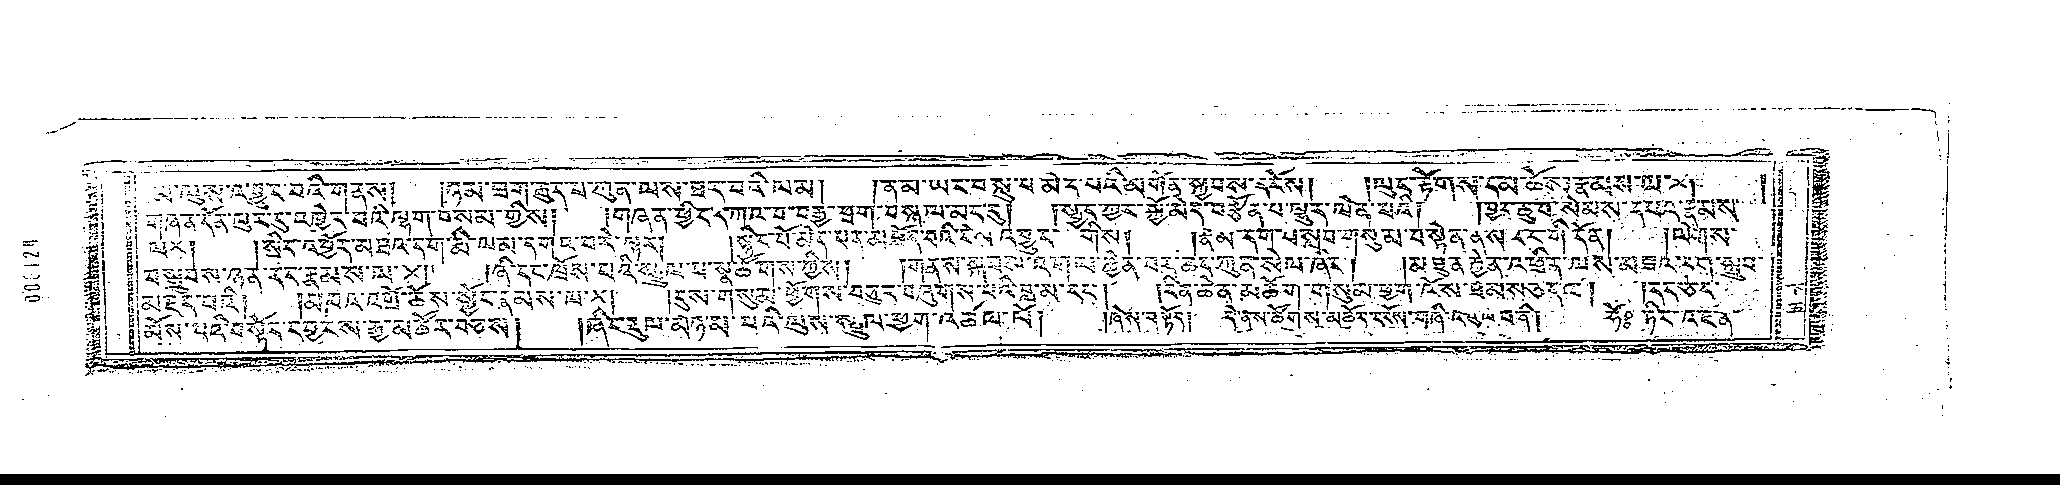མ་ལུས་འབྱུང་བའི་གངས། །ཉམ་ཐག་རྒུད་པ་ཀུན་ལས་ཐར་བའི་ལམ། །ནམ་ཡང་བསླུ་བ་མེད་པའི་མགོན་སྐྱབས་དངོས། །ལུང་རྟོགས་དམ་ཆོས་རྣམས་ལ་྾། །
གཞན་དོན་ཁུར་དུ་འཁྱེར་བའི་ལྷག་བསམ་གྱིས། །གཞན་ཕྱིར་དཀའ་བ་བརྒྱ་ཕྲག་བསྐལ་མང་དུ། །སྤྱད་ཀྱང་སྐྱོ་མེད་བརྩོན་པ་ལྷུར་ལེན་པའི། །བྱང་ཆུབ་སེམས་དཔའ་རྣམས་
ལ་྾། །སྲིད་འབྱོར་མཐའ་དག་རྨི་ལམ་དགའ་བདེ་ལྟར། །སྙིང་པོ་མེད་པར་མཐོང་བའི་དེས་འབྱུང་གིས། །རྣམ་དག་བསླབ་གསུམ་བསྟེན་ནས་རང་གི་དོན། །ལེགས་
བསྒྲུབས་ཉན་རང་རྣམས་ལ་྾། །ཞི་དང་ཁྲོས་པའི་སྤྲུལ་པ་སྣ་ཚོགས་ཀྱིས། །གནས་སྐབས་འགལ་རྐྱེན་པར་ཆང་ཀུན་སེལ་ཞིང་། །མཐུན་རྐྱེན་འཕྲིན་ལས་མཐའ་དག་སྒྲུབ་
མཛད་པའི། །མཁའ་འགྲོ་ཆོས་སྐྱོང་རྣམས་ལ་྾། །དུས་གསུམ་ཕྱོགས་བཅུར་བཞུགས་པའི་བླ་མ་དང་། །རིན་ཆེན་མཆོག་གསུམ་ཕྱག་འོས་ཐམས་ཅད་ལ། །དད་ཅིང་
མོས་པའི་བསྟོད་དབྱངས་རྒྱ་མཚོར་བཅས། །ཞིང་རྡུལ་མཉམ་པའི་ལུས་སྤྲུལ་ཕྱག་འཚལ་ལོ། །ཞེས་བསྟོད། དེ་ནས་ཚོགས་མཆོད་དངོས་གཞི་འབུལ་བ་ནི། ཧོཿ་ཏིང་འཛིན་